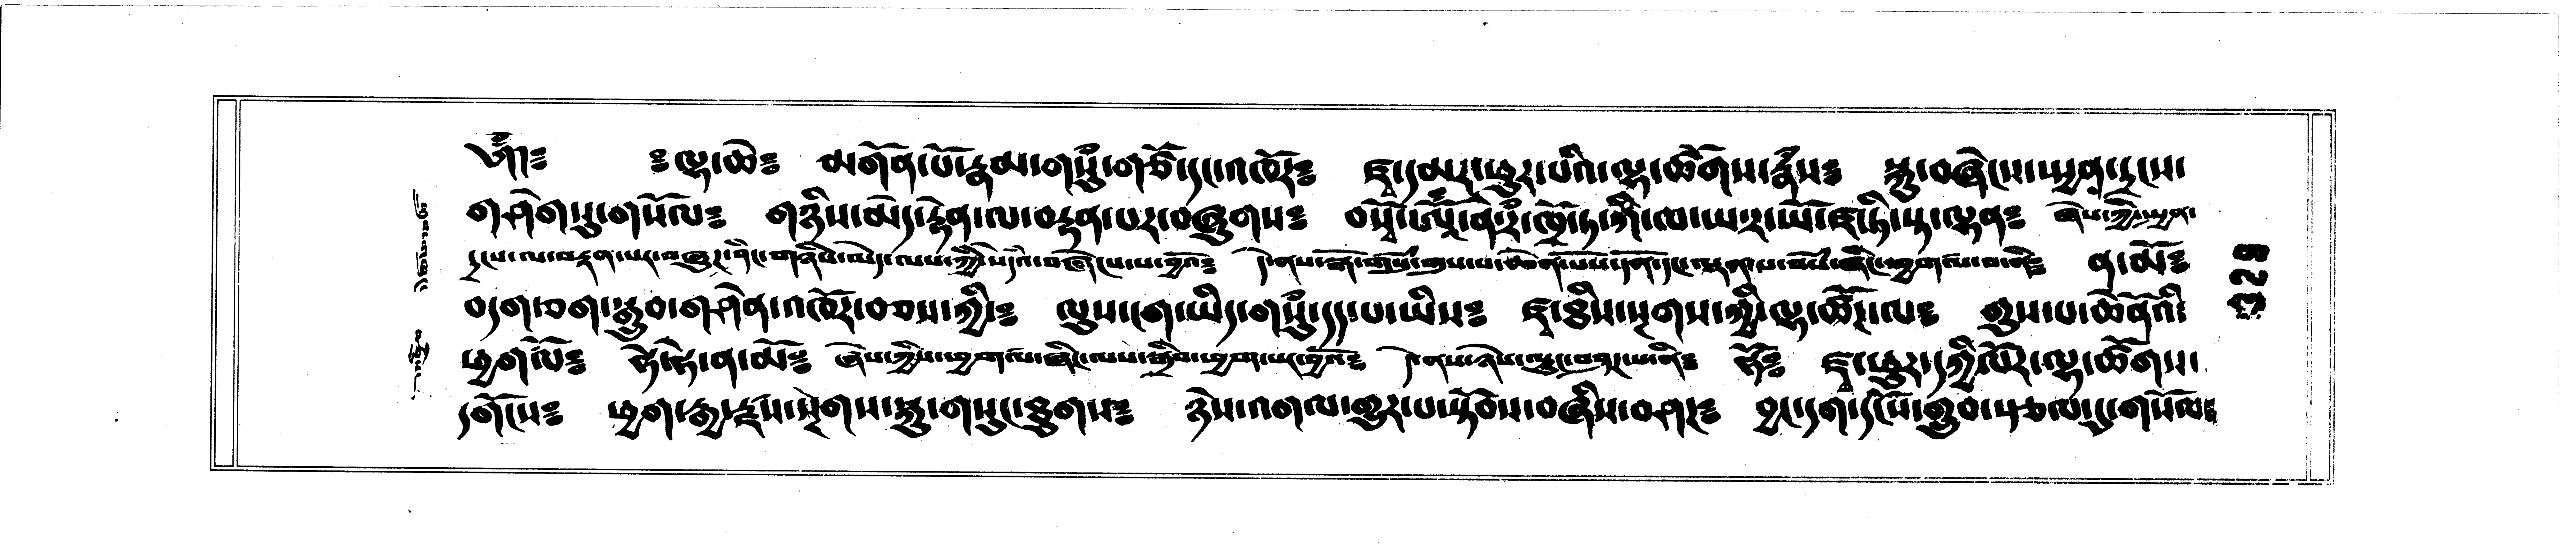༔ལྷ་ཆེ༔ མགོན་པོ་རྣམ་གསུམ་གཙོ་དང་འཁོར༔ ཛྭ་དམར་ཕུར་པའི་ལྷ་ཚོགས་རྣམས༔ སྐུ་བཞེངས་སྤྱན་དྲངས་
གཤེགས་སུ་གསོལ༔ གཉིས་མེད་རྟེན་ལ་བརྟན་པར་བཞུགས༔ བསྭོ་ཨཱོྃ་ནེ་རམ་ཁྲོ་ཏ་ཀི་ལ་ཡ་ར་ཡོ་ཛ་ཏི་སྟ་ལྷན༔ ཞེས་ཀྱི་སྤྱན་
དྲངས་ལ་བརྟན་པར་བཞུགས་ཤིང་གཉིས་མེད་ལས་ཀྱིས་སེམས་དཔའ་བཞེངས་པ་བྱའོ༔ དེ་ནས་སྒོ་གསུམ་གུས་པ་ཆེན་པོས་དོན་དང་ལྡན་པ་བསམ་ཞིང་ཕྱག་འཚལ་བ་ནི༔ ན་མོ༔ 
བདག་ཅག་སྒྲུབ་གཤེན་འཁོར་བཅས་ཀྱི༔ ལུས་ངག་ཡིད་གསུམ་དད་པ་ཡིས༔ ཛྭ་ཐིས་སྔགས་ཀྱི་ལྷ་ཚོགས་ལ༔ གུས་པ་ཆེན་པོའི་
ཕྱག་འཚལ་ལོ༔ ཧེ་ཧེ་ན་མོ༔ ཞེས་ཀྱི་ཕྱག་འཚལ་ཞིང་ལས་སྒྲིབ་ཕྱག་པར་བྱའོ༔ དེ་ནས་ཉེས་ལྟུང་བཤགས་པ་ནི༔ ཧོ༔ ཛྭ་ཕུར་དཀྱིལ་འཁོར་ལྷ་ཚོགས་
དགོངས༔ ཕྱག་རྒྱས་རྫས་སྔགས་སྐུ་གསུང་ཐུགས༔ ཉེས་འགལ་གྱུར་པ་སྟོབས་བཞིས་བཤགས༔ བྱང་དག་དངོས་གྲུབ་སྩལ་དུ་གསོལ༔